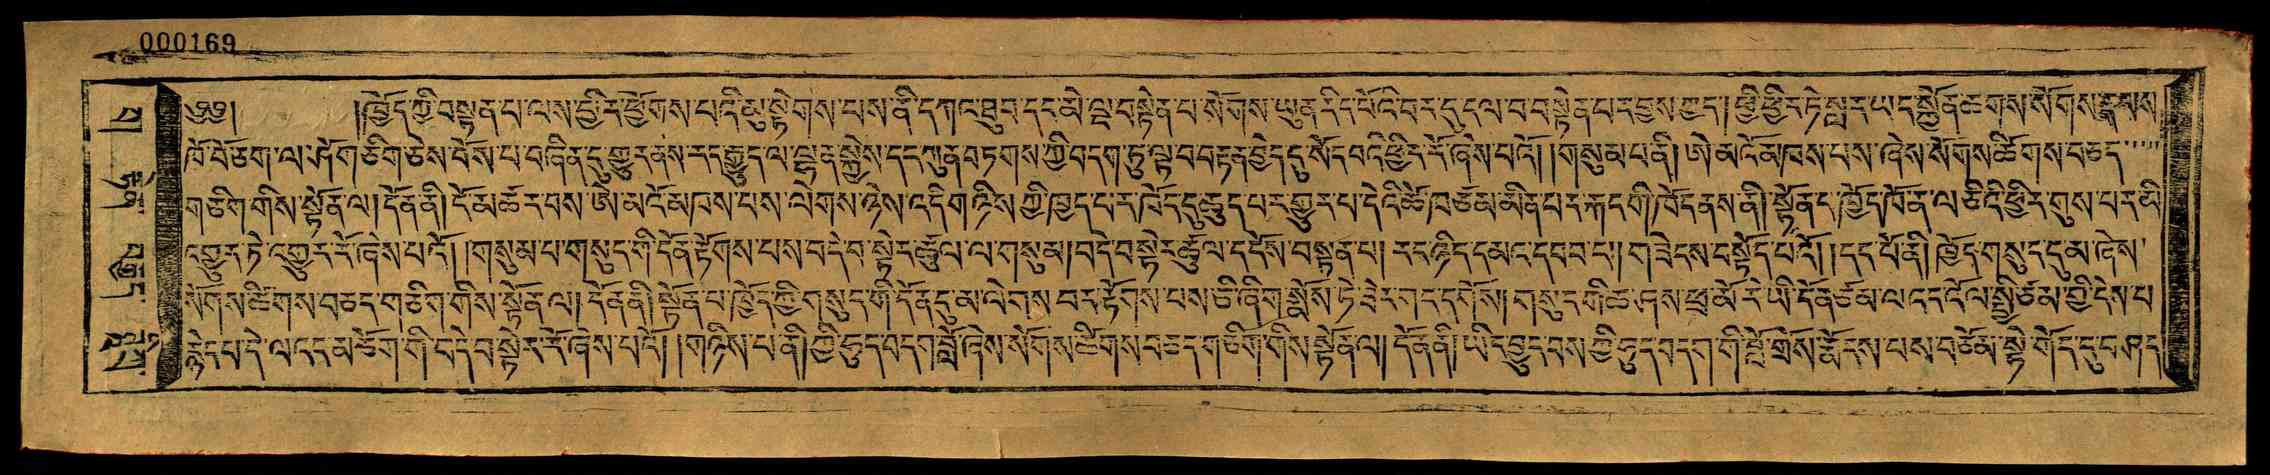༄༅། །ཁྱོད་ཀྱི་བསྟན་པ་ལས་ཕྱིར་ཕྱོགས་པའི་མུ་སྟེགས་པས་ནི་དཀའ་ཐུབ་དང་མེ་ལྔ་བསྟེན་པ་སོགས་ཡུན་རིང་པོའི་བར་དུ་ངལ་བ་བསྟེན་པར་བྱས་ཀྱང་། ཕྱི་ཕྱིར་ཏེ་སླར་ཡང་སྐྱོན་ཆགས་སོགས་རྣམས་
ཁོ་བོ་ཅག་ལ་ཤོག་ཅིག་ཅེས་བོས་པ་བཞིན་དུ་གྱུར་ནས་རང་རྒྱུད་ལ་ལྷན་སྐྱེས་དང་ཀུན་བཏགས་ཀྱི་བདག་ཏུ་ལྟ་བ་བརྟན་བྱེད་དུ་སོང་བའི་ཕྱིར་རོ་ཞེས་པའོ། །གསུམ་པ་ནི། ཨེ་མའོ་མཁས་པས་ཞེས་སོགས་ཚིགས་བཅད་
གཅིག་གིས་སྟོན་ལ། དོན་ནི། ངོ་མཚར་བས་ཨེ་མའོ་མཁས་པས་ལེགས་ཉེས་འདི་གཉིས་ཀྱི་ཁྱད་པར་ཁོང་དུ་ཆུད་པར་གྱུར་པ་དེའི་ཚེ་ཁ་ཙམ་མིན་པར་རྐང་གི་ཁོང་ནས་ནི། སྟོན་པ་ཁྱོད་ཁོ་ན་ལ་ཅིའི་ཕྱིར་གུས་པར་མི་
འགྱུར་ཏེ་འགྱུར་རོ་ཞེས་པའོ། །གསུམ་པ་གསུང་གི་དོན་རྟོགས་པས་བདེ་བ་སྟེར་ཚུལ་ལ་གསུམ། བདེ་བ་སྟེར་ཚུལ་དངོས་བསྟན་པ། རང་ཉིད་དམའ་དབབ་པ། གཟེངས་བསྟོད་པའོ། །དང་པོ་ནི། ཁྱོད་གསུང་དུ་མ་ཞེས་
སོགས་ཚིགས་བཅད་གཅིག་གིས་སྟོན་ལ། དོན་ནི། སྟོན་པ་ཁྱོད་ཀྱི་གསུང་གི་དོན་དུ་མ་ལེགས་པར་རྟོགས་པས་ཅི་ཞིག་སྨོས་ཏེ་ཟེར་གང་དགོས། གསུང་གི་ཆ་ཤས་ཕྲ་མོ་རེ་ཡི་དོན་ཙམ་ལའང་འོལ་སྤྱི་ཙམ་གྱི་ངེས་པ་
རྙེད་པ་དེ་ལའང་མཆོག་གི་བདེ་བ་སྟེར་རོ་ཞེས་པའོ། །གཉིས་པ་ནི། ཀྱེ་ཧུད་བདག་བློ་ཞེས་སོགས་ཚིགས་བཅད་གཅིག་གིས་སྔོན་ལ། དོན་ནི། ཡིད་་་་?